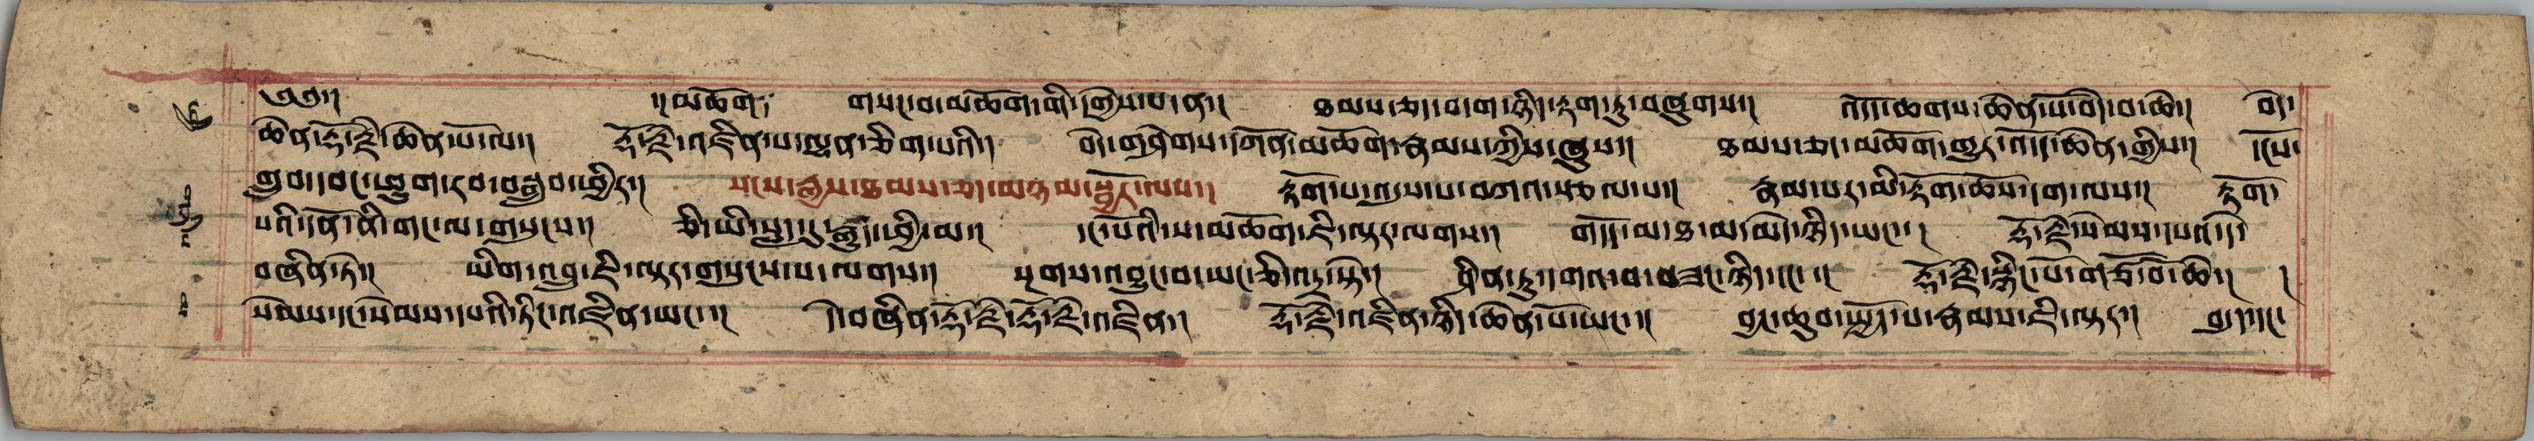་།མཆོག༑ གསང་བ་མཆོག་གི་དགྱེས་པ་ན་། ཐམས་ཅད་བདག་ཉིད་རྟག་ཏུ་བཞུགས་། འདོད་ཆགས་ཆེན་པོ་བདེ་བ་ཆེ་། བདེ་
ཆེན་རྡོ་རྗེ་ཆེན་པོ་ལ་། རྡོ་རྗེ་འཛིན་པ་ལྡན་ཅིག་པའི་། བདེ་གཤེགས་དཀོན་མཆོག་རྣམས་ཀྱིས་ཞུས་། ཐམས་ཅད་མཆོག་གྱུར་འདོད་ཆེན་གྱིས་། དངོས་
གྲུབ་དབང་ཕྱུག་རབ་བསྒྲུབ་ཕྱིར་། སངས་རྒྱས་ཐམས་ཅད་མཉམ་སྦྱོར་ལས་། རྟོག་པ་འདུས་པ་བཀའ་སྩལ་པ་། རྣམ་པར་མི་རྟོག་ཆོས་དག་ལས་། རྟོག་
པའི་དོན་ནི་གང་ལ་གསུངས་། ཅི་ཡི་སླད་དུ་རྒྱུད་ཕྱི་མ་། དང་པོའི་ས་མཆོག་ཇི་ལྟར་ལགས་། གདོད་མ་ཐ་མ་མེད་ཉིད་ཡང་་། རྡོ་རྗེ་སེམས་དཔའ་དེ་
བཞིན་ཏེ་། ཡིག་འབྲུ་ཇི་ལྟར་གསུངས་པ་ལགས་། སྔགས་འབྱུང་བ་ཡང་ཅི་འདྲ་སྟེ་། ཤིན་ཏུ་དགའ་བ་བཟང་ཉིད་དང་། རྡོ་རྗེ་སྙིང་པོ་གཙོ་བོ་ཆེ་།
སེམས་དང་སེམས་དཔའི་ཏིང་འཛིན་ཡང་་། དེ་བཞིན་རྡོ་རྗེ་རྡོ་རྗེ་འཛིན་། རྡོ་རྗེ་འཛིན་ཉིད་ཆེན་པོ་ཡང་་། བྱང་ཆུབ་སྤྱོད་པ་རྣམས་ཇི་ལྟར་། བདུད་དང་